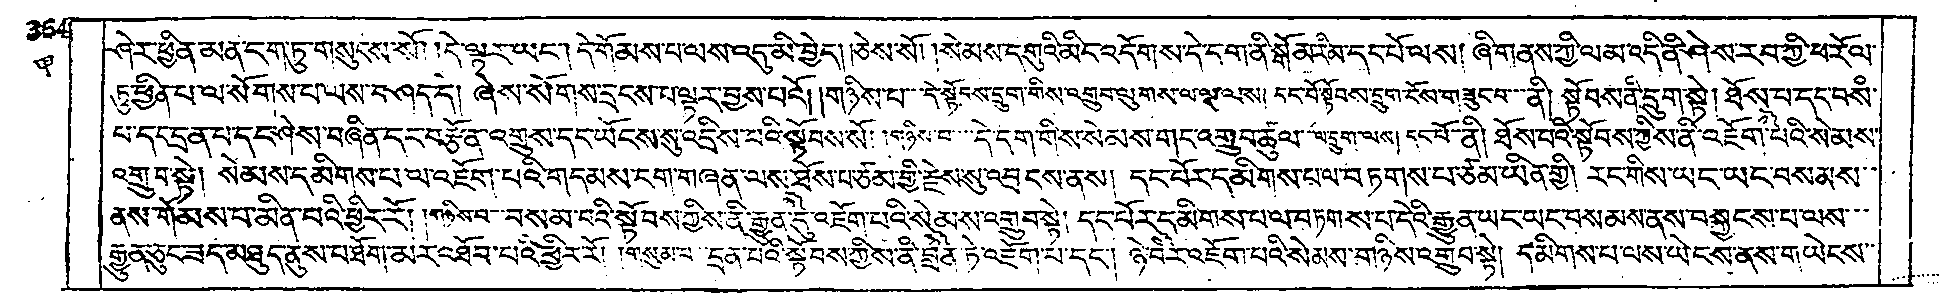ཤེར་ཕྱིན་མན་ངག་ཏུ་གསུངས་སོ། །དེ་ལྟར་ཡང་། དེ་གོམས་པ་ལས་འདུ་མི་བྱེད། །ཅེས་སོ། །སེམས་དགུའི་མིང་འདོགས་དེ་དག་ནི་སྒོམ་རིམ་དང་པོ་ལས། ཞི་གནས་ཀྱི་ལམ་འདི་ནི་ཤེས་རབ་ཀྱི་ཕ་རོལ་
ཏུ་ཕྱིན་པ་ལ་སོགས་པ་ལས་བཤད་དེ། ཞེས་སོགས་དྲངས་པ་ལྟར་བྱས་པའོ། །གཉིས་པདེ་སྟོབས་དྲུག་གིས་འགྲུབ་ལུགས་ལ་ལྔ་ལས། དང་བོ་སྟོབས་དྲུག་ངོས་གཟུང་བནི། སྟོབས་ནི་དྲུག་སྟེ། ཐོས་པ་དང་བསཾ་
པ་དང་དྲན་པ་དང་ཤེས་བཞིན་དང་བརྩོན་འགྲུས་དང་ཡོངས་སུ་འདྲིས་པའི་སྟོབས་སོ། །གཉིས་པདེ་དག་གིས་སེམས་གང་འགྲུབ་ཚུལལ་དྲུག་ལས། དང་པོནི། ཐོས་པའི་སྟོབས་ཀྱིས་ནི་འཇོག་པའི་སེམས་
འགྲུབ་སྟེ། སེམས་དམིགས་པ་ལ་འཇོག་པའི་གདམས་ངག་གཞན་ལས་ཐོས་པ་ཙམ་གྱི་རྗེས་སུ་འབྲངས་ནས། དང་པོར་དམིགས་པ་ལ་བཏགས་པ་ཙམ་ཡིན་གྱི། རང་གིས་ཡང་ཡང་བསམས་
ནས་གོམས་པ་མིན་པའི་ཕྱིར་རོ། ། གཉིས་པ་བསམ་པའི་སྟོབས་ཀྱིས་ནི་རྒྱུན་དུ་འཇོག་པའི་སེམས་འགྲུབ་སྟེ། དང་པོར་དམིགས་པ་ལ་བཏགས་པ་དེའི་རྒྱུན་ཡང་ཡང་བསམས་ནས་བསྐྱངས་པ་ལས་
རྒྱུན་ཅུང་ཟད་མཐུད་ནུས་པ་ཐོག་མར་འཐོབ་པའི་ཕྱིར་རོ། །གསུམ་པདྲན་པའི་སྟོབས་ཀྱིས་ནི་བླན་ཏེ་འཇོག་པ་དང་། ཉེ་བར་འཇོག་པའི་སེམས་གཉིས་འགྲུབ་སྟེ། དམིགས་པ་ལས་ཡེངས་ནས་གཡེངས་